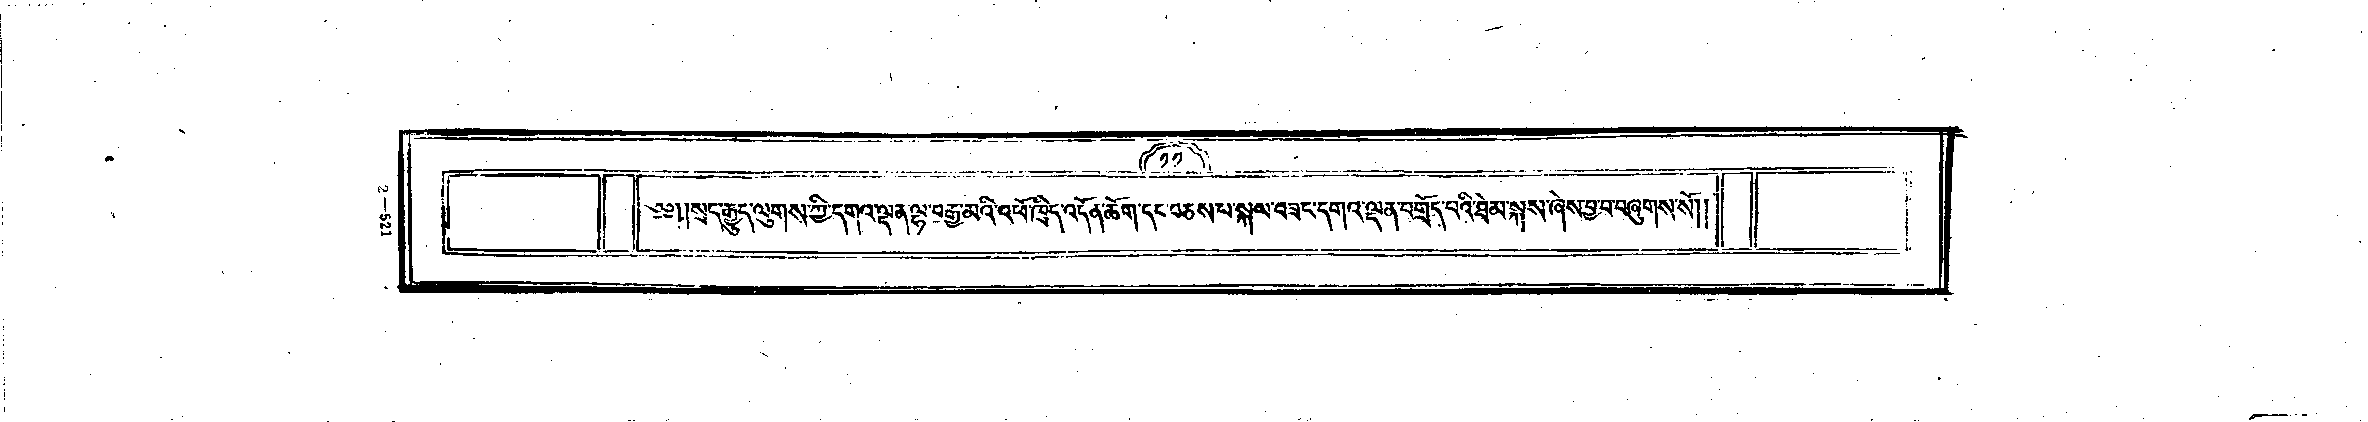༄༅། །སྲད་རྒྱུད་ལུགས་ཀྱི་དགའ་ལྡན་ལྷ་བརྒྱ་མའི་འཕོ་ཁྲིད་འདོན་ཆོག་དང་བཅས་པ་སྐལ་བཟང་དགའ་ལྡན་བགྲོད་པའི་ཐེམ་སྐས་ཞེས་བྱ་བ་བཞུགས་སོ།།